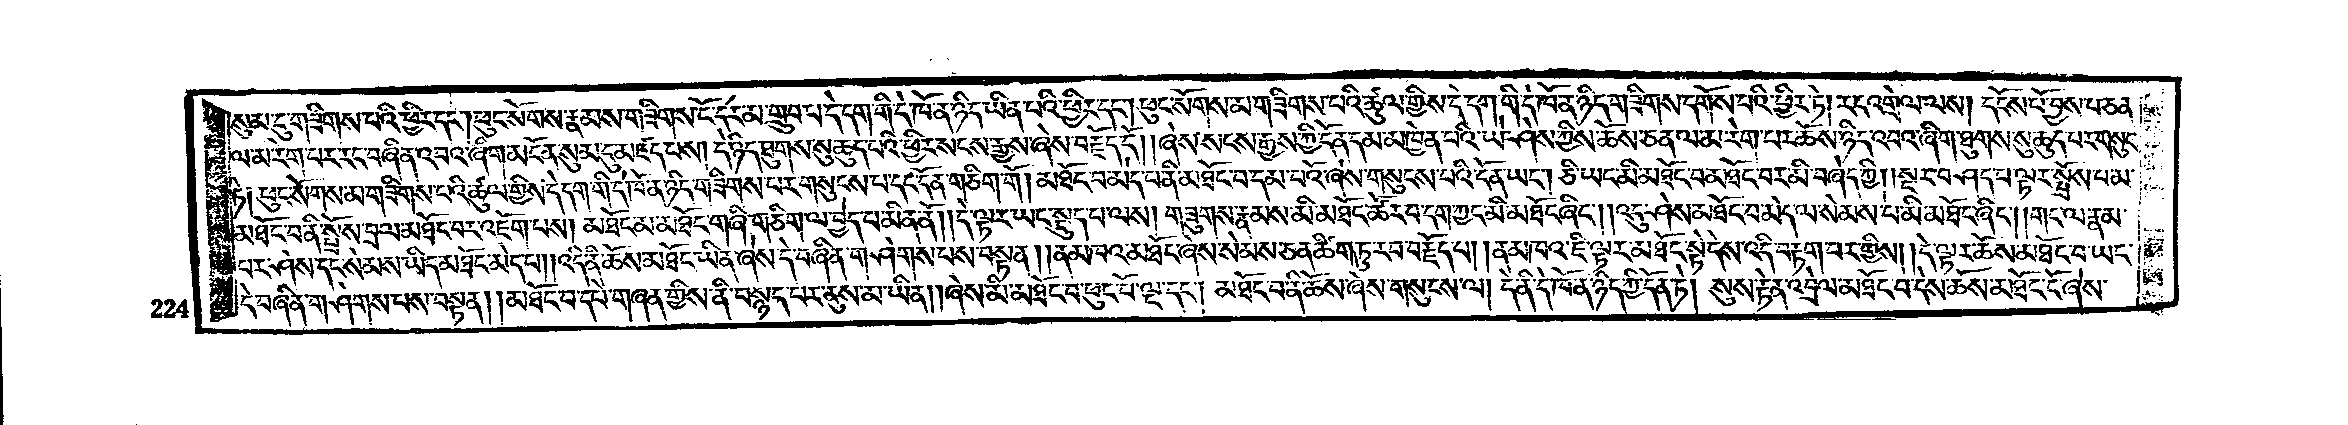སུམ་དུ་གཟིགས་པའི་ཕྱིར་དང་། ཕུང་སོགས་རྣམས་གཟིགས་ངོ་དེར་མ་གྲུབ་པ་དེ་དག་གི་དེ་ཁོ་ན་ཉིད་ཡིན་པའི་ཕྱིར་དང་། ཕུང་སོགས་མ་གཟིགས་པའི་ཚུལ་གྱིས་དེ་དག་གི་དེ་ཁོ་ན་ཉིད་གཟིགས་དགོས་པའི་ཕྱིར་ཏེ། རང་འགྲེལ་ལས། དངོས་པོ་བྱས་པ་ཅན་
ལ་མ་རེག་པར་རང་བཞིན་འབའ་ཞིག་མངོན་སུམ་དུ་མཛད་པས། དེ་ཉིད་ཐུགས་སུ་ཆུད་པའི་ཕྱིར་སངས་རྒྱས་ཞེས་བརྗོད་དོ། །ཞེས་སངས་རྒྱས་ཀྱི་དོན་དམ་མཁྱེན་པའི་ཡེ་ཤེས་ཀྱིས་ཆོས་ཅན་ལ་མ་རེག་པར་ཆོས་ཉིད་འབའ་ཞིག་ཐུགས་སུ་ཆུད་པར་གསུངས་
ཏེ་ཕུང་སོགས་མ་གཟིགས་པའི་ཚུལ་གྱིས་དེ་དག་གི་དེ་ཁོ་ན་ཉིད་གཟིགས་པར་གསུངས་པ་དང་དོན་གཅིག་གོ ། མཐོང་བ་མེད་པ་ནི་མཐོང་བ་དམ་པའོ་ཞེས་གསུངས་པའི་དོན་ཡང་། ཅི་ཡང་མི་མཐོང་བ་མཐོང་བར་མི་བཞེད་ཀྱི། །སྔར་བཤད་པ་ལྟར་སྤྲོས་པ་མ་
མཐོང་བ་ནི་སྤྲོས་བྲལ་མཐོང་བར་འཇོག་པས། མཐོང་མ་མཐོང་གཞི་གཅིག་ལ་བྱེད་པ་མིན་ནོ། །དེ་ལྟར་ཡང་སྡུད་པ་ལས། གཟུགས་རྣམས་མི་མཐོང་ཚོར་བ་དག་ཀྱང་མི་མཐོང་ཞིང་། །འདུ་ཤེས་མཐོང་བ་མེད་ལ་སེམས་པ་མི་མཐོང་ཞིང་། །གང་ལ་རྣམ་
པར་ཤེས་དང་སེམས་ཡིད་མཐོང་མེད་པ། །འདི་ནི་ཆོས་མཐོང་ཡིན་ཞེས་དེ་བཞིན་གཤེགས་པས་བསྟན། །ནམ་མཁའ་མཐོང་ཞེས་སེམས་ཅན་ཚིག་ཏུ་རབ་བརྗོད་པ། །ནམ་མཁའ་ཇི་ལྟར་མཐོང་སྟེ་དེས་འདི་བརྟག་པར་གྱིས། །དེ་ལྟར་ཆོས་མཐོང་བ་ཡང་
དེ་བཞིན་གཤེགས་པས་བསྟན། །མཐོང་བ་དཔེ་གཞན་གྱིས་ནི་བསྙད་པར་ནུས་མ་ཡིན། །ཞེས་མི་མཐོང་བ་ཕུང་པོ་ལྔ་དང་། མཐོང་བ་ནི་ཆོས་ཞེས་གསུངས་ལ། དེ་ནི་དེ་ཁོ་ན་ཉིད་ཀྱི་དོན་ཏེ། སུས་རྟེན་འབྲེལ་མཐོང་བ་དེས་ཆོས་མཐོང་ངོ་ཞེས་